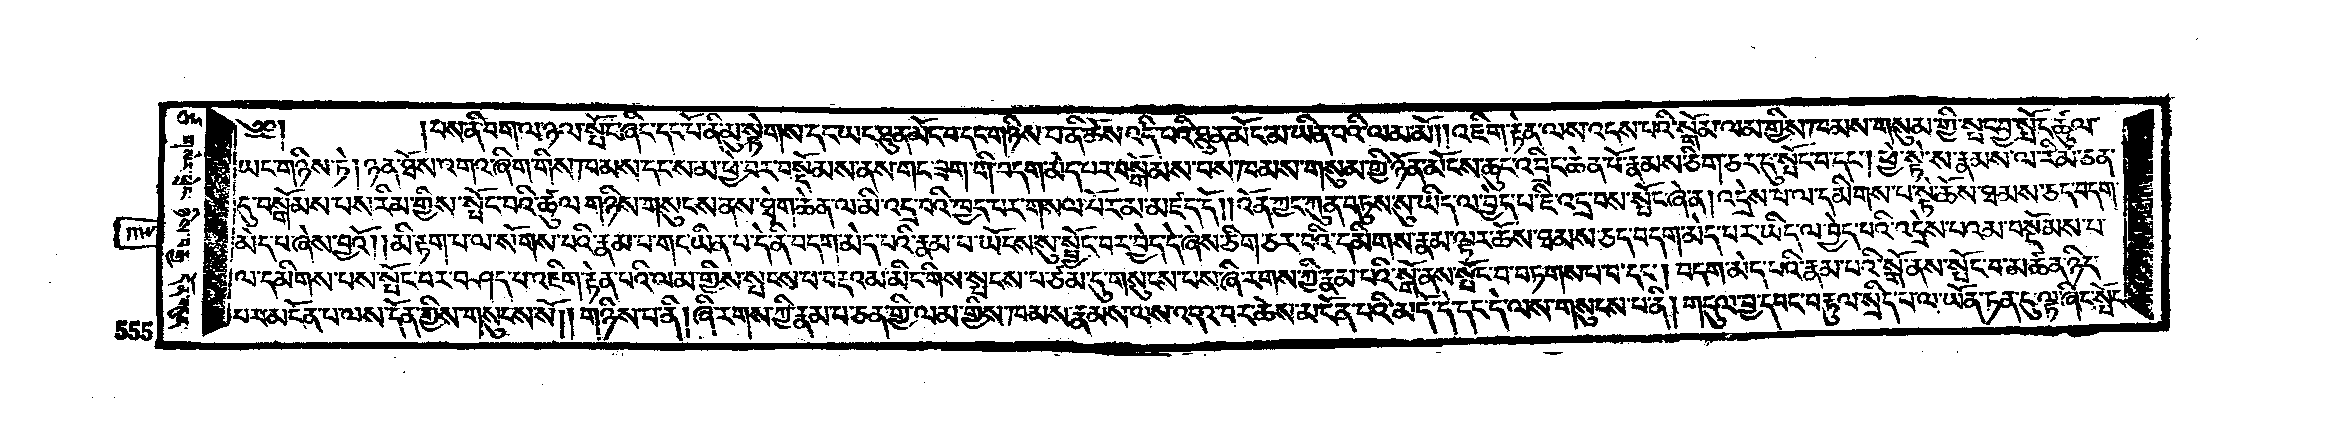༄༅། །པས་ནི་བག་ལ་ཉལ་སྤོང་ཞིང་དང་པོ་ནི་མུ་སྟེགས་དང་ཡང་ཐུན་མོང་བ་དང་གཉིས་པ་ནི་ཆོས་འདི་པའི་ཐུན་མོང་མ་ཡིན་པའི་ལམ་མོ། །འཇིག་རྟེན་ལས་འདས་པའི་སྒོམ་ལམ་གྱིས་ཁམས་གསུམ་གྱི་སྤང་བྱ་སྤོང་ཚུལ་
ཡང་གཉིས་ཏེ། ཉན་ཐོས་འགའ་ཞིག་གིས་ཁམས་དང་ས་མ་ཕྱེ་བར་བསྡོམས་ནས་གང་ཟག་གི་བདག་མེད་པར་བསྒོམས་པས་ཁམས་གསུམ་གྱི་ཉོན་མོངས་ཆུང་འབྲིང་ཆེན་པོ་རྣམས་ཅིག་ཅར་དུ་སྤོང་བ་དང་། ཕྱེ་སྟེ་ས་རྣམས་ལ་རིམ་ཅན་
དུ་བསྒོམས་པས་རིམ་གྱིས་སྤོང་བའི་ཚུལ་གཉིས་གསུངས་ནས་ཐེག་ཆེན་ལ་མི་འདྲ་བའི་ཁྱད་པར་གསལ་པོར་མ་མཛད་དོ། །འོན་ཀྱང་ཀུན་བཏུས་སུ་ཡིད་ལ་བྱེད་པ་ཇི་འདྲ་བས་སྤོང་ཞེ་ན། འདྲེས་པ་ལ་དམིགས་པ་སྟེ་ཆོས་ཐམས་ཅད་བདག་
མེད་པ་ཞེས་བྱའོ། །མི་རྟག་པ་ལ་སོགས་པའི་རྣམ་པ་གང་ཡིན་པ་དེ་ནི་བདག་མེད་པའི་རྣམ་པ་ཡོངས་སུ་སྦྱོང་བར་བྱེད་དེ་ཞེས་ཅིག་ཅར་བའི་དམིགས་རྣམ་ལྟར་ཆོས་ཐམས་ཅད་བདག་མེད་པར་ཡིད་ལ་བྱེད་པའི་འདྲེས་པའམ་བསྡོམས་པ་
ལ་དམིགས་པས་སྤོང་བར་བཤད་པ་འཇིག་རྟེན་པའི་ལམ་གྱིས་སྤང་པ་བརྡའམ་མིང་གིས་སྤངས་པ་ཙམ་དུ་གསུངས་པས་ཞི་རགས་ཀྱི་རྣམ་པའི་སྒོ་ནས་སྤོང་བ་བཏགས་པ་བ་དང་། བདག་མེད་པའི་རྣམ་པའི་སྒོ་ནས་སྤོང་བ་མཚན་ཉིད་
པར་མངོན་པ་ལས་དོན་གྱིས་གསུངས་སོ། །གཉིས་པ་ནི། ཞི་རགས་ཀྱི་རྣམ་པ་ཅན་གྱི་ལམ་གྱིས་ཁམས་རྣམས་ལས་འདའ་བར་ཆོས་མངོན་པའི་མདོ་དེ་དང་དེ་ལས་གསུངས་པ་ནི། གདུལ་བྱ་དབང་བརྟུལ་སྲིད་པ་ལ་ཡོན་ཏན་དུ་ལྟ་ཞིང་སྤོང་